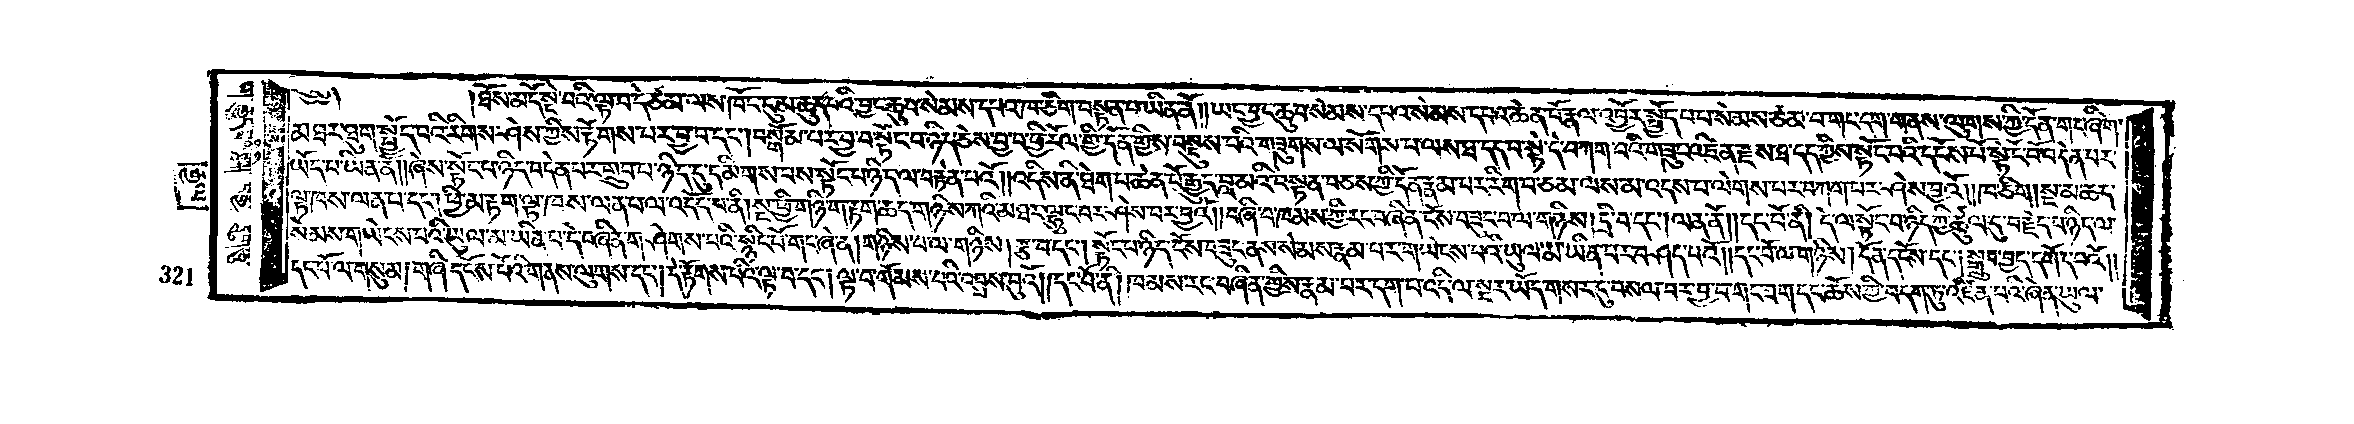༄༅། །ཐོས་མདོ་སྡེ་པའི་ལྟ་བ་དེ་ཙམ་ལས་ཁོང་དུ་མ་ཆུད་པའི་བྱང་ཆུབ་སེམས་དཔའ་ཁ་ཅིག་བསྟན་པ་ཡིན་ནོ། །ཡང་བྱང་ཆུབ་སེམས་དཔའ་སེམས་དཔའ་ཆེན་པོ་རྣལ་འབྱོར་སྤྱོད་པ་བ་སེམས་ཙམ་པ་གང་དག་གནས་ལུགས་ཀྱི་དོན་གང་ཞིག་
མཐར་ཐུག་སྤྱོད་པའི་རིགས་ཤེས་ཀྱིས་རྟོགས་པར་བྱ་བ་དང་། བསྒོམ་པར་བྱ་བ་སྟོང་པ་ཉིད་ཅེས་བྱ་བ་ཕྱི་རོལ་གྱི་དོན་གྱིས་བསྡུས་པའི་གཟུགས་ལ་སོགས་པ་ལས་ཐ་དད་པ་སྟེ་དེ་བཀག་པའི་གཟུང་འཛིན་རྫས་ཐ་དད་ཀྱིས་སྟོང་པའི་དངོས་པོ་སྟེ་ངོ་བོ་བདེན་པར་
ཡོད་པ་ཡིན་ནོ། །ཞེས་སྟོང་པ་ཉིད་བདེན་པར་གྲུབ་པ་ཉིད་དུ་དམིགས་པས་སྟོང་པ་ཉིད་ལ་བརྟེན་པའོ། །འདིས་ནི་ཐེག་པ་ཆེན་པོ་རྒྱུད་བླ་མའི་བསྟན་བཅས་ཀྱི་དོན་རྣམ་པར་རིག་པ་ཙམ་ལས་མ་འདས་པ་ལེགས་པར་བཀག་པར་ཤེས་བྱའོ། །ཁ་ཅིག །སྔ་མ་ཆད་
ལྟ་ཁས་ལན་པ་དང་། ཕྱི་མ་རྟག་ལྟ་ཁས་ལན་པ་ལ་འདོད་པ་ནི། སྔ་ཕྱི་གཉི་ག་རྟག་ཆད་གཉིས་ཀའི་མཐར་ལྷུང་བར་ཤེས་པར་བྱའོ། །བཞི་པ་ཁམས་ཀྱི་རང་བཞིན་ངོས་བཟུང་བ་ལག་ལ་གཉིས། དྲི་བ་དང་། ལན་ནོ། །དང་པོ་ནི། དེ་ལ་སྟོང་པ་ཉིད་ཀྱི་ཚུལ་དུ་བརྗེད་པ་ཉིད་ལ་
སེམས་གཡེངས་པའི་ཡུལ་མ་ཡིན་པ་དེ་བཞིན་གཤེགས་པའི་སྙིང་པོ་གང་ཞེ་ན། གཉིས་པ་ལ་གཉིས། རྩ་བ་དང་། སྟོང་པ་ཉིད་ངོས་བཟུང་ནས་སེམས་རྣམ་པར་གཡེངས་པའི་ཡུལ་མ་ཡིན་པར་བཤད་པའོ། །དང་པོ་ལ་གཉིས། དོན་དངོས་དང་། སྒྲུབ་བྱད་དགོད་པའོ། །
དང་པོ་ལ་གསུམ། གཞི་དངོས་པོའི་གནས་ལུགས་དང་། དེ་རྟོགས་པའི་ལྟ་བ་དང་། ལྟ་བ་གོམས་པའི་འབྲས་བུའོ། །དང་པོ་ནི། ཁམས་རང་བཞིན་གྱིས་རྣམ་པར་དག་པ་འདི་ལ་སྔར་ཡོད་གསར་དུ་བསལ་བར་བྱ་བ་གང་ཟག་དང་ཆོས་ཀྱི་བདག་ཏུ་འཛིན་པའི་ཞེན་ཡུལ་